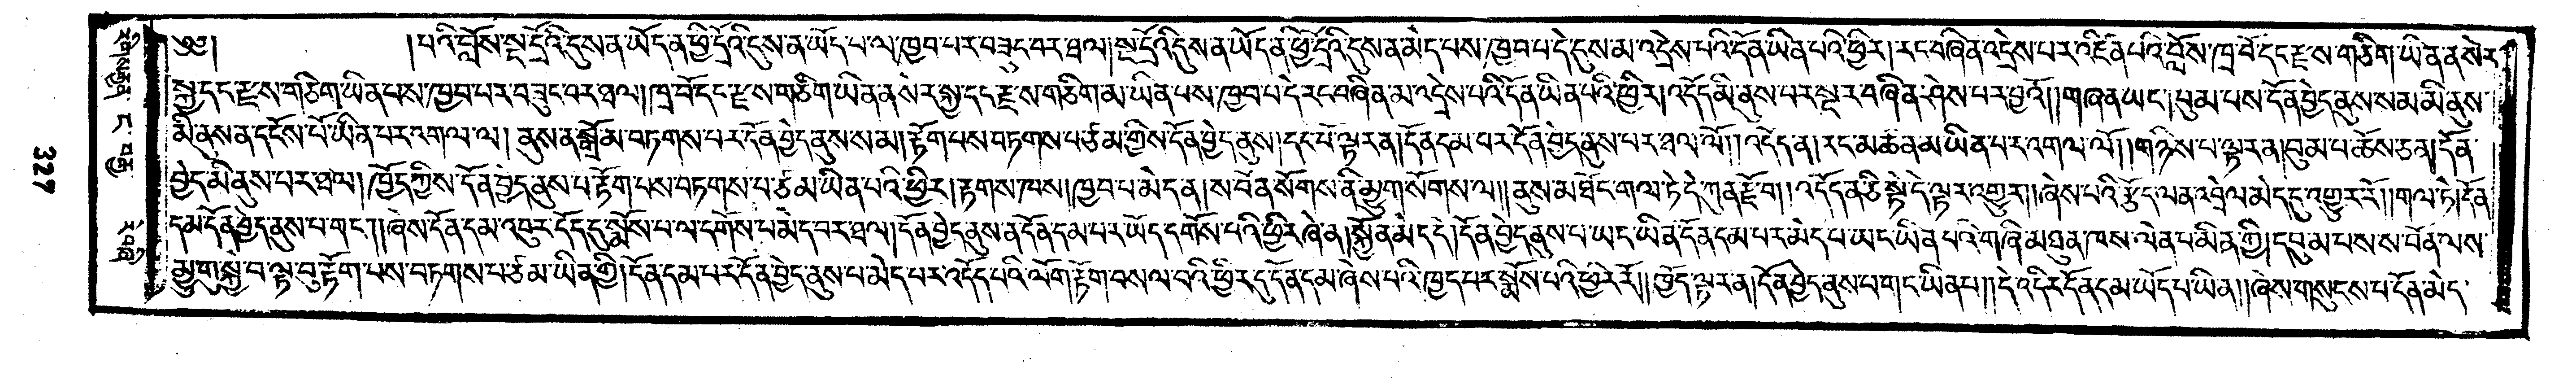༄༅། །པའི་བློས་སྔ་དྲོའི་དུས་ན་ཡོད་ན་ཕྱི་དྲོའི་དུས་ན་ཡོད་པ་ལ་ཁྱབ་པར་བཟུང་བར་ཐལ། སྔ་དྲོའི་དུས་ན་ཡོད་ན་ཕྱི་དྲོའི་དུས་ན་མེད་པས་ཁྱབ་པ་དེ་དུས་མ་འདྲེས་པའི་དོན་ཡིན་པའི་ཕྱིར། རང་བཞིན་འདྲེས་པར་འཛིན་པའི་བློས་ཁྲ་བོ་དང་རྫས་གཅིག་ཡིན་ན་སེར་
སྐྱེ་དང་རྫས་གཅིག་ཡིན་པས་ཁྱབ་པར་བཟུང་བར་ཐལ། ཁྲ་བོ་དང་རྫས་གཅིག་ཡིན་ན་སེར་སྐྱེ་དང་རྫས་གཅིག་མ་ཡིན་པས་ཁྱབ་པ་དེ་རང་བཞིན་མ་འདྲེས་པའི་དོན་ཡིན་པའི་ཕྱིར། འདོད་མི་ནུས་པར་སྔར་བཞིན་ཤེས་པར་བྱའོ། །གཞན་ཡང་། བུམ་པས་དོན་བྱེད་ནུས་སམ་མི་ནུས་
མི་ནུས་ན་དངོས་པོ་ཡིན་པར་འགལ་ལ། ནུས་ན་སྒྲོ་མ་བཏགས་པར་དོན་བྱེད་ནུས་སམ། རྟོག་པས་བཏགས་པ་ཙམ་གྱིས་དོན་བྱེད་ནུས། དང་པོ་ལྟར་ན། དོན་དམ་པར་དོན་བྱེད་ནུས་པར་ཐལ་ལོ། །འདོད་ན། རང་མཚན་མ་ཡིན་པར་འགལ་ལོ། །གཉིས་པ་ལྟར་ན། བུམ་པ་ཆོས་ཅན། དོན་
བྱེད་མི་ནུས་པར་ཐལ། ཁྱོད་ཀྱིས་དོན་བྱེད་ནུས་པ་རྟོག་པས་བཏགས་པ་ཙམ་ཡིན་པའི་ཕྱིར། རྟགས་ཁས། ཁྱབ་པ་མེད་ན། ས་བོན་སོགས་ནི་མྱུག་སོགས་ལ། །ནུས་མཐོང་གལ་ཏེ་དེ་ཀུན་རྫོབ། །འདོད་ན་ཅི་སྟེ་དེ་ལྟར་འགྱུར། །ཞེས་པའི་རྩོད་ལན་འབྲེལ་མེད་དུ་འགྱུར་རོ། །གལ་ཏེ། དོན་
དམ་དོན་བྱེད་ནུས་པ་གང་། །ཞེས་དོན་དམ་འབུར་དོད་དུ་སྨོས་པ་ལ་དགོས་པ་མེད་པར་ཐལ། དོན་བྱེད་ནུས་ན་དོན་དམ་པར་ཡོད་དགོས་པའི་ཕྱིར་ཞེ་ན། སྐྱོན་མེད་དེ། དོན་བྱེད་ནུས་པ་ཡང་ཡིན་དོན་དམ་པར་མེད་པ་ཡང་ཡིན་པའི་གཞི་མཐུན་ཁས་ལེན་པ་མིན་གྱི། དབུ་མ་པས་ས་བོན་ལས་
མྱུ་གུ་སྐྱེ་བ་ལྟ་བུ་རྟོག་པས་བཏགས་པ་ཙམ་ཡིན་གྱི། དོན་དམ་པར་དོན་བྱེད་ནུས་པ་མེད་པར་འདོད་པའི་ལོག་རྟོག་བསལ་བའི་ཕྱིར་དུ་དོན་དམ་ཞེས་པའི་ཁྱད་པར་སྨོས་པའི་ཕྱིར་རོ། །ཁྱོད་ལྟར་ན། དོན་བྱེད་ནུས་པ་གང་ཡིན་པ། །དེ་འདིར་དོན་དམ་ཡོད་པ་ཡིན། །ཞེས་གསུངས་པ་དོན་མེད་